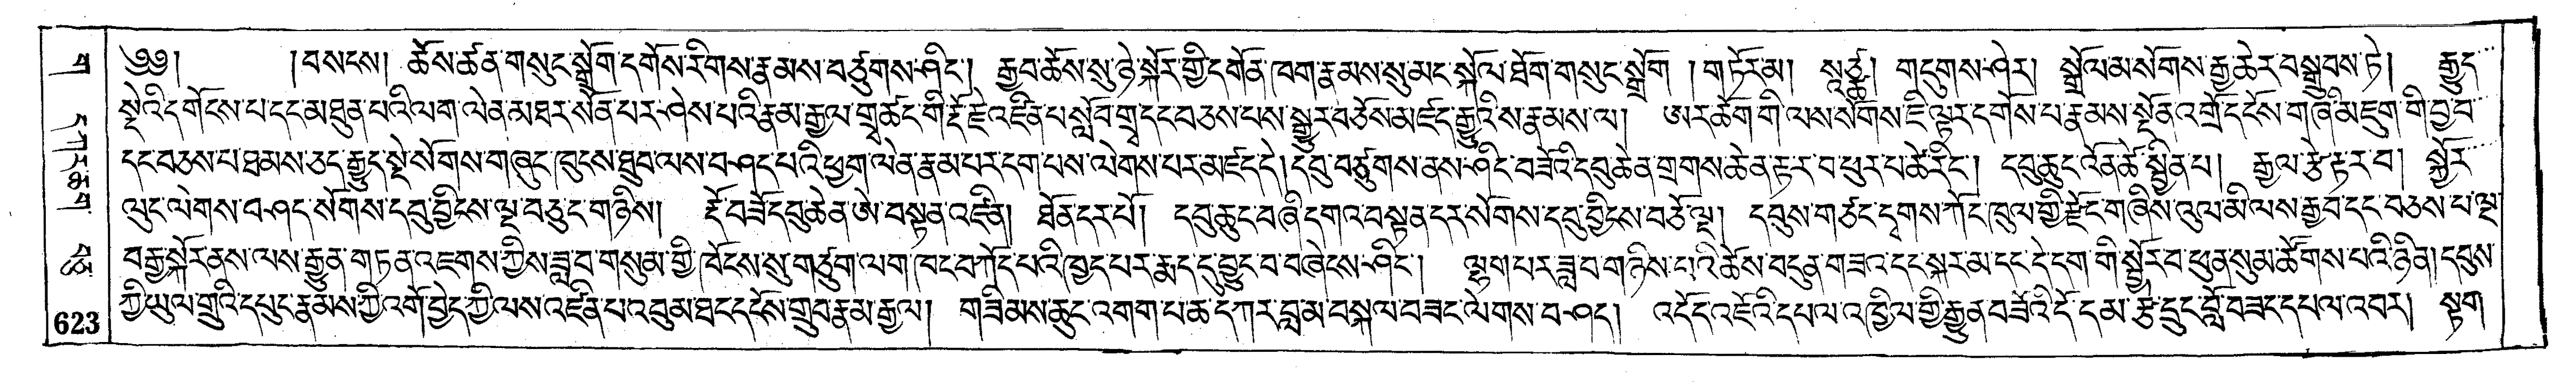༄༅། །བསངས། ཆོས་ཚན་གསུང་སྒྲོག་དགོས་རིགས་རྣམས་བཙུགས་ཤིང་། རྒྱབ་ཆོས་སུ་ཉེ་སྐོར་གྱི་དགོན་ཁག་རྣམས་སུ་མང་སྐོལ་ཐོག་གསུང་སྒྲོག །གཏོར་མ། སཱཙྪ། གདུགས་ཤེར། སྒྲོལ་མ་སོགས་རྒྱ་ཆེར་བསྒྲུབས་ཏེ། རྒྱུད་
སྡེའི་དགོངས་པ་དང་མཐུན་པའི་ལག་ལེན་མཐར་སོན་པར་ཤེས་པའི་རྣམ་རྒྱལ་གྲྭ་ཚང་གི་རྡོ་རྗེ་འཛིན་པ་སློབ་གྲྭ་དང་བཅས་པས་སྒྱུར་བཅོས་མཛད་རྒྱུའི་ས་རྣམས་ལ། ཨར་ཆོག་གི་ལས་སོགས་ཇི་ལྟར་དགོས་པ་རྣམས་སྔོན་འགྲོ་དངོས་གཞི་མཇུག་གི་བྱ་བ་
དང་བཅས་པ་ཐམས་ཅད་རྒྱུད་སྡེ་?་གཞུང་ཁུངས་ཐུབ་ལས་བཤད་པའི་ཕྱག་ལེན་རྣམ་པར་དག་པས་ལེགས་པར་མཛད་དེ། དབུ་བཙུགས་ནས་ཤིང་བཟོའི་དབུ་ཆེན་གྲགས་ཆེན་རྟར་བ་ཕུར་པ་ཚེ་རིང་། དབུ་ཆུང་འོན་ཚེ་སྦྱིན་པ། རྒྱལ་རྩེ་རྟར་བ། སྐྱོར་
ལུང་ལེགས་བཤད་སོགས་དབུ་བྱིངས་ལྔ་བཅུ་ང་གཉིས། རྡོ་བཟོ་དབུ་ཆེན་ཨེ་བསྟན་འཛིན། ཐོན་དར་པོ། དབུ་ཆུང་བཞི་དགའ་བསྟན་དར་སོགས་དབུ་བྱིངས་བཅོ་ལྔ། དབུས་གཙང་དྭགས་ཀོང་ཁུལ་གྱི་རྫོང་གཞིས་འུལ་མི་ལས་རྒྱབ་དང་བཅས་པ་ལྔ་
བརྒྱ་སྐོར་ནས་ལས་རྒྱུན་གཏན་འཇགས་ཀྱིས་ཟླ་བ་གསུམ་གྱི་ཁོངས་སུ་གཙུག་ལག་ཁང་བཀོད་པའི་ཁྱད་པར་རྨད་དུ་བྱུང་བ་བཞེངས་ཤིང་། ལྷག་པར་ཟླ་བ་གཉིས་པའི་ཚེས་བདུན་གཟའ་དང་སྐར་མ་དང་དེ་དག་གི་སྦྱོར་བ་ཕུན་སུམ་ཚོགས་པའི་ཉིན། དབུས་
ཀྱི་ཡུལ་གྲུའི་དཔུང་རྣམས་ཀྱི་འོག་བྱེད་ཀྱི་ལས་འཛིན་པ་འབུམ་ཐང་དངོས་གྲུབ་རྣམ་རྒྱལ། གཟིམས་ཆུང་འགག་པ་ཆ་དཀར་བླ་མ་བསྐལ་བཟང་ལེགས་བཤད། འདོད་འཇོའི་དཔལ་འཁྱིལ་གྱི་རྒྱུན་བཟོའི་དོ་དམ་རྩེ་དྲུང་བློ་བཟང་དཔལ་འབར། སྟག་